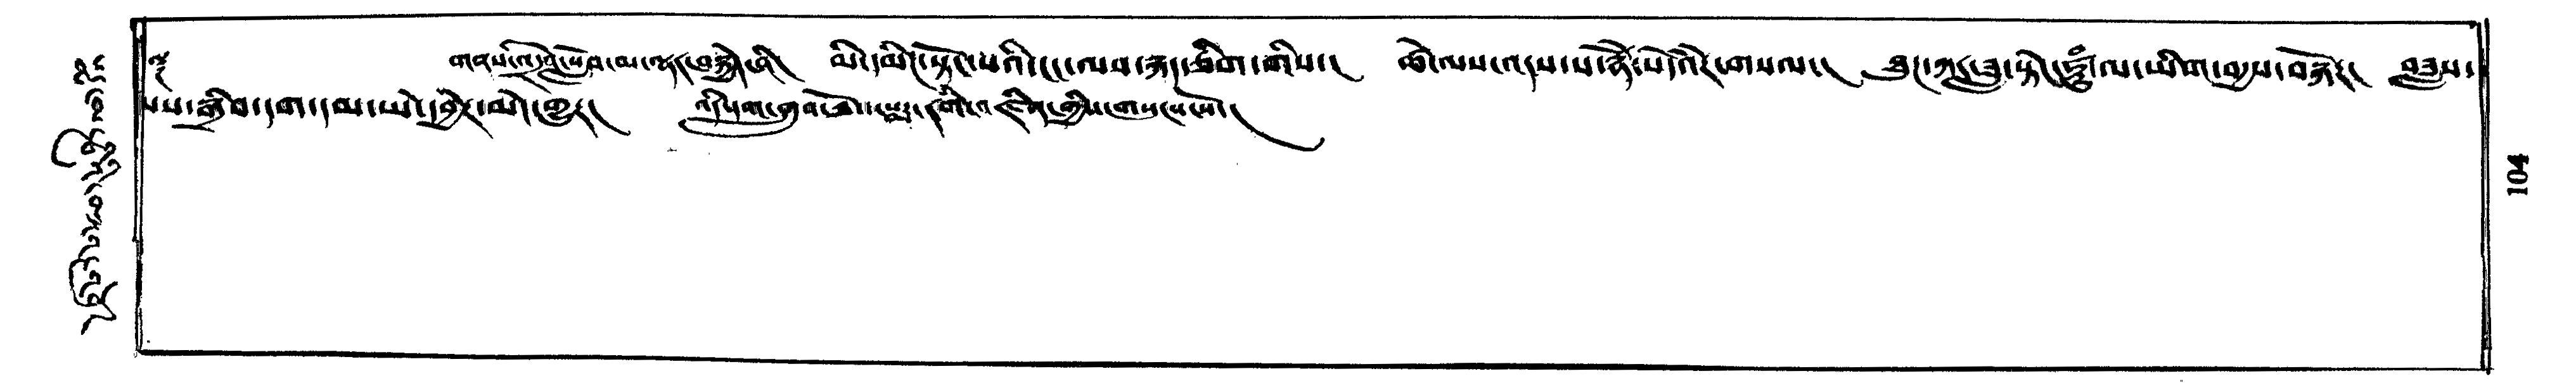གནས་འདྲེན་སློབ་མ་ལྷར་བསྐྱེད་ནི། མི་དམིགས་སྟོང་པའི་ངང་ལས་སྐད་ཅིག་གིས། །ཚེ་ལས་འདས་པ་རྡོ་རྗེ་སེམས་དཔར་གསལ། ཐུགས་ཀར་ཟླ་སྟེང་ཧཱུྃཿལ་ཡིག་བརྒྱས་བསྐོར། །བཟླས་
པས་སྒྲིབ་དག་དམ་ཡེ་དབྱེར་མེད་གྱུར། ། འདི་དག་གྲུབ་ཐོབ་པདྨ་རིག་འཛིན་གྱིས་གསུངས་སོ། །